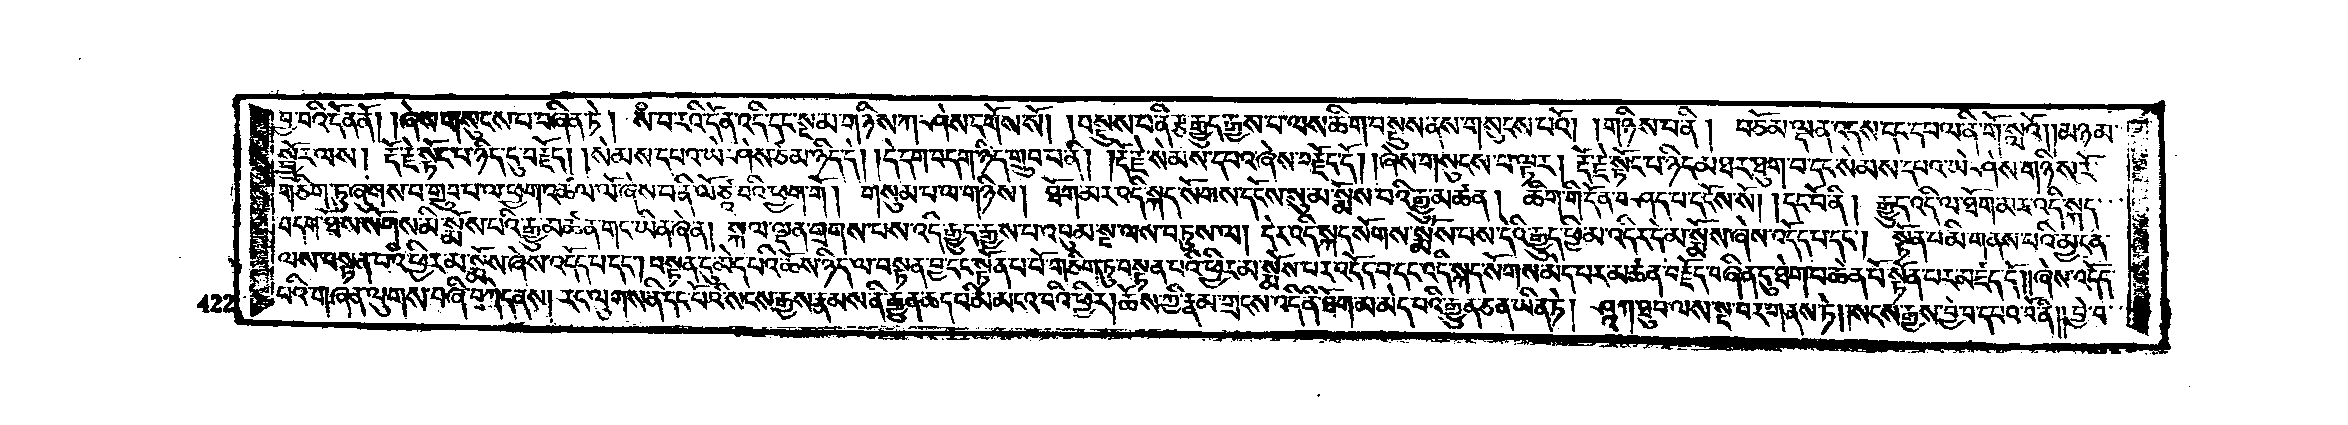བྱ་བའི་དོན་ནི། །ཞེས་གསུངས་པ་བཞིན་ཏེ། སཾ་བ་རའི་དོན་འདི་དང་སྔ་མ་གཉིས་ཀ་ཤེས་དགོས་སོ། །བསྡུས་པ་ནི་རྩ་རྒྱུད་རྒྱས་པ་ལས་ཚིག་བསྡུས་ནས་གསུངས་པའོ། །གཉིས་པ་ནི། བཅོམ་ལྡན་འདས་དང་དཔལ་ནི་གོ་སླའོ། །མཉམ་
སྦྱོར་ལས། རྡོ་རྗེ་སྟོང་པ་ཉིད་དུ་བརྗོད། །སེམས་དཔའ་ཡེ་ཤེས་ཙམ་ཉིད་དེ། །དེ་དག་བདག་ཉིད་གྲུབ་པ་ནི། །རྡོ་རྗེ་སེམས་དཔའ་ཞེས་བརྗོད་དོ། །ཞེས་གསུངས་པ་ལྟར། རྡོ་རྗེ་སྟོང་པ་ཉིད་མཐར་ཐུག་པ་དང་སེམས་དཔའ་ཡེ་ཤེས་གཉིས་རོ་
གཅིག་ཏུ་ཞུགས་པ་གྲུབ་པ་ལ་ཕྱག་འཚལ་ལོ་ཞེས་པ་ནི་ལོ་ཙཱ་བའི་ཕྱག་གོ །གསུམ་པ་ལ་གཉིས། ཐོག་མར་འདི་སྐད་སོགས་དངོས་སུ་མ་སྨོས་པའི་རྒྱུ་མཚན། ཚིག་གི་དོན་བཤད་པ་དངོས་སོ། གཅིག་ཏུ་ཞུགས་པ་གྲུབ་པ་ལ་ཕྱག་འཚལ་ལོ་ཞེས་པ་ནི་ལོ་ཙཱ་
བདག་ཐོས་སོགས་མི་སྨོས་པའི་རྒྱུ་མཚན་གང་ཡིན་ཞེ་ན། སྐལ་ལྡན་གྲགས་པས་འདི་རྒྱུད་རྒྱས་པ་འབུམ་སྔ་ལས་བཏུས་ལ། དེར་འདི་སྐད་སོགས་སྨོས་པས་དེའི་རྒྱུད་ཕྱི་མ་འདིར་དེ་མ་སྨོས་ཞེས་འདོད་པ་དང་། སྟོན་པ་མི་གནས་པའི་མྱ་ངན་
ལས་བསྟན་པའི་ཕྱིར་མ་སྨོས་ཞེས་འདོད་པ་དང་། བསྟན་དུ་མེད་པའི་ཆོས་ཉིད་ལ་བསྟན་བྱ་དང་སྟོན་པ་པོ་གཅིག་ཏུ་བསྟན་པའི་ཕྱིར་མ་སྨོས་པར་འདོད་པ་དང་འདི་སྐད་སོགས་མེད་པར་མཚན་བརྗོད་བཞིན་དུ་ཐེག་པ་ཆེན་པོ་སྟོན་པར་མཛད་དོ། །ཞེས་འདོད་
པའི་གཞན་ལུགས་བཞི་བཀོད་ནས། རང་ལུགས་ནི་དང་པོའི་སངས་རྒྱས་རྣམས་ནི་རྒྱུན་ཆད་པ་མི་མངའ་བའི་ཕྱིར། ཆོས་ཀྱི་རྣམ་གྲངས་འདི་ནི་ཐོག་མ་མེད་པའི་རྒྱུན་ཅན་ཡིན་ཏེ། ཤཱཀ་ཐུབ་ལས་སྔ་བར་གནས་ཏེ། །སངས་རྒྱས་བྱེ་བ་དཔའ་བོ་ནི། །བྱེ་བ་